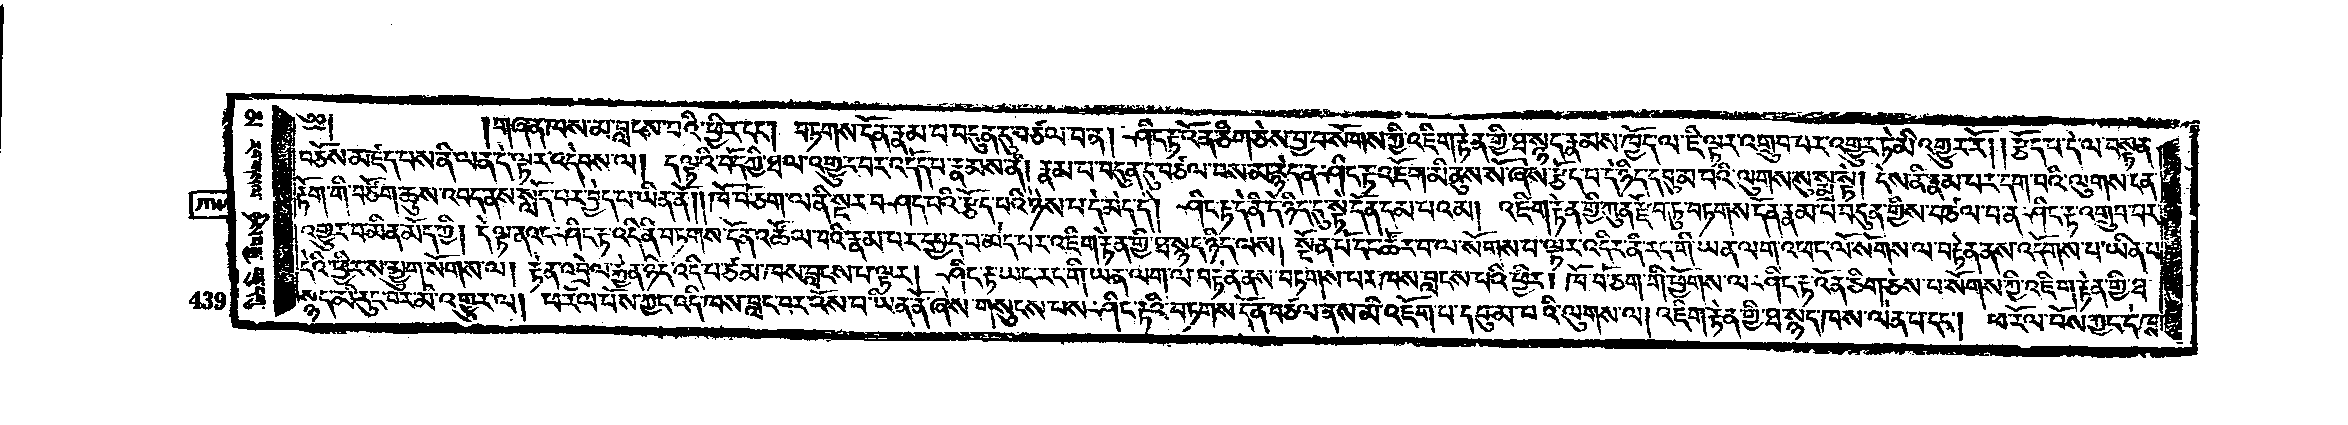༄༅། །གཞན་ཁས་མ་བླངས་པའི་ཕྱིར་དང་། བཏགས་དོན་རྣམ་པ་བདུན་དུ་བཙལ་བ་ན། ཤིང་རྟ་འོན་ཅིག་ཅེས་བྱ་བ་སོགས་ཀྱི་འཇིག་རྟེན་གྱི་ཐ་སྙད་རྣམས་ཁྱོད་ལ་ཇི་ལྟར་འགྲུབ་པར་འགྱུར་ཏེ་མི་འགྱུར་རོ། །རྩོད་པ་དེ་ལ་བསྟན་
བཅོས་མཛད་པས་ནི་ལན་དེ་ལྟར་འདེབས་ལ། ད་ལྟའི་བོད་ཀྱི་ཐལ་འགྱུར་བར་འདོད་པ་རྣམས་ནི། རྣམ་པ་བདུན་དུ་བཙལ་བས་མ་རྙེད་ན་ཤིང་རྟ་འཇོག་མི་ནུས་སོ་ཞེས་རྩོད་པ་དེ་ཉིད་དབུ་མ་པའི་ལུགས་སུ་སྨྲ་སྟེ། དེས་ནི་རྣམ་པར་དག་པའི་ལུགས་ངན་
རྟོག་གི་བཙོག་ཆུས་འབད་ནས་སློད་པར་བྱེད་པ་ཡིན་ནོ། །ཁོ་བོ་ཅག་ལ་ནི་སྔར་བཤད་པའི་རྩོད་པའི་ཉེས་པ་དེ་མེད་དེ། ཤིང་རྟ་དེ་ནི་དེ་ཉིད་དུ་སྟེ་དོན་དམ་པའམ། འཇིག་རྟེན་གྱི་ཀུན་རྫོབ་ཏུ་བཏགས་དོན་རྣམ་པ་བདུན་གྱིས་བཙལ་བ་ན་ཤིང་རྟ་འགྲུབ་པར་
འགྱུར་བ་མིན་མོད་ཀྱི། དེ་ལྟ་ནའང་ཤིང་རྟ་འདི་ནི་བཏགས་དོན་འཚོལ་བའི་རྣམ་པར་དཔྱད་པ་མེད་པར་འཇིག་རྟེན་གྱི་ཐ་སྙད་ཉིད་ལས། སྔོན་པོ་དང་ཚོར་བ་ལ་སོགས་པ་ལྟར་འདིར་ནི་རང་གི་ཡན་ལག་འཕང་ལོ་སོགས་ལ་བརྟེན་ནས་འདོགས་པ་ཡིན་པ་
དེའི་ཕྱིར་ས་མྱུག་སོགས་ལ། རྟེན་འབྲེལ་རྐྱེན་ཉིད་འདི་པ་ཙམ་ཁས་བླངས་པ་ལྟར། ཤིང་རྟ་ཡང་རང་གི་ཡན་ལག་ལ་བརྟེན་ནས་བཏགས་པར་ཁས་བླངས་པའི་ཕྱིར། ཁོ་བོ་ཅག་གི་ཕྱོགས་ལ་ཤིང་རྟ་འོན་ཅིག་ཅེས་པ་སོགས་ཀྱི་འཇིག་རྟེན་གྱི་ཐ་
སྙད་མི་རུང་བར་མི་འགྱུར་ལ། ཕ་རོལ་པོས་ཀྱང་འདི་ཁས་བླང་བར་འོས་པ་ཡིན་ནོ་ཞེས་གསུངས་པས་ཤིང་རྟའི་བཏགས་དོན་བཙལ་ནས་མི་འཇོག་པ་དབུ་མ་པའི་ལུགས་ལ། འཇིག་རྟེན་གྱི་ཐ་སྙད་ཁས་ལེན་པ་དང་། ཕ་རོལ་པོས་ཀྱང་དེ་ཁས་